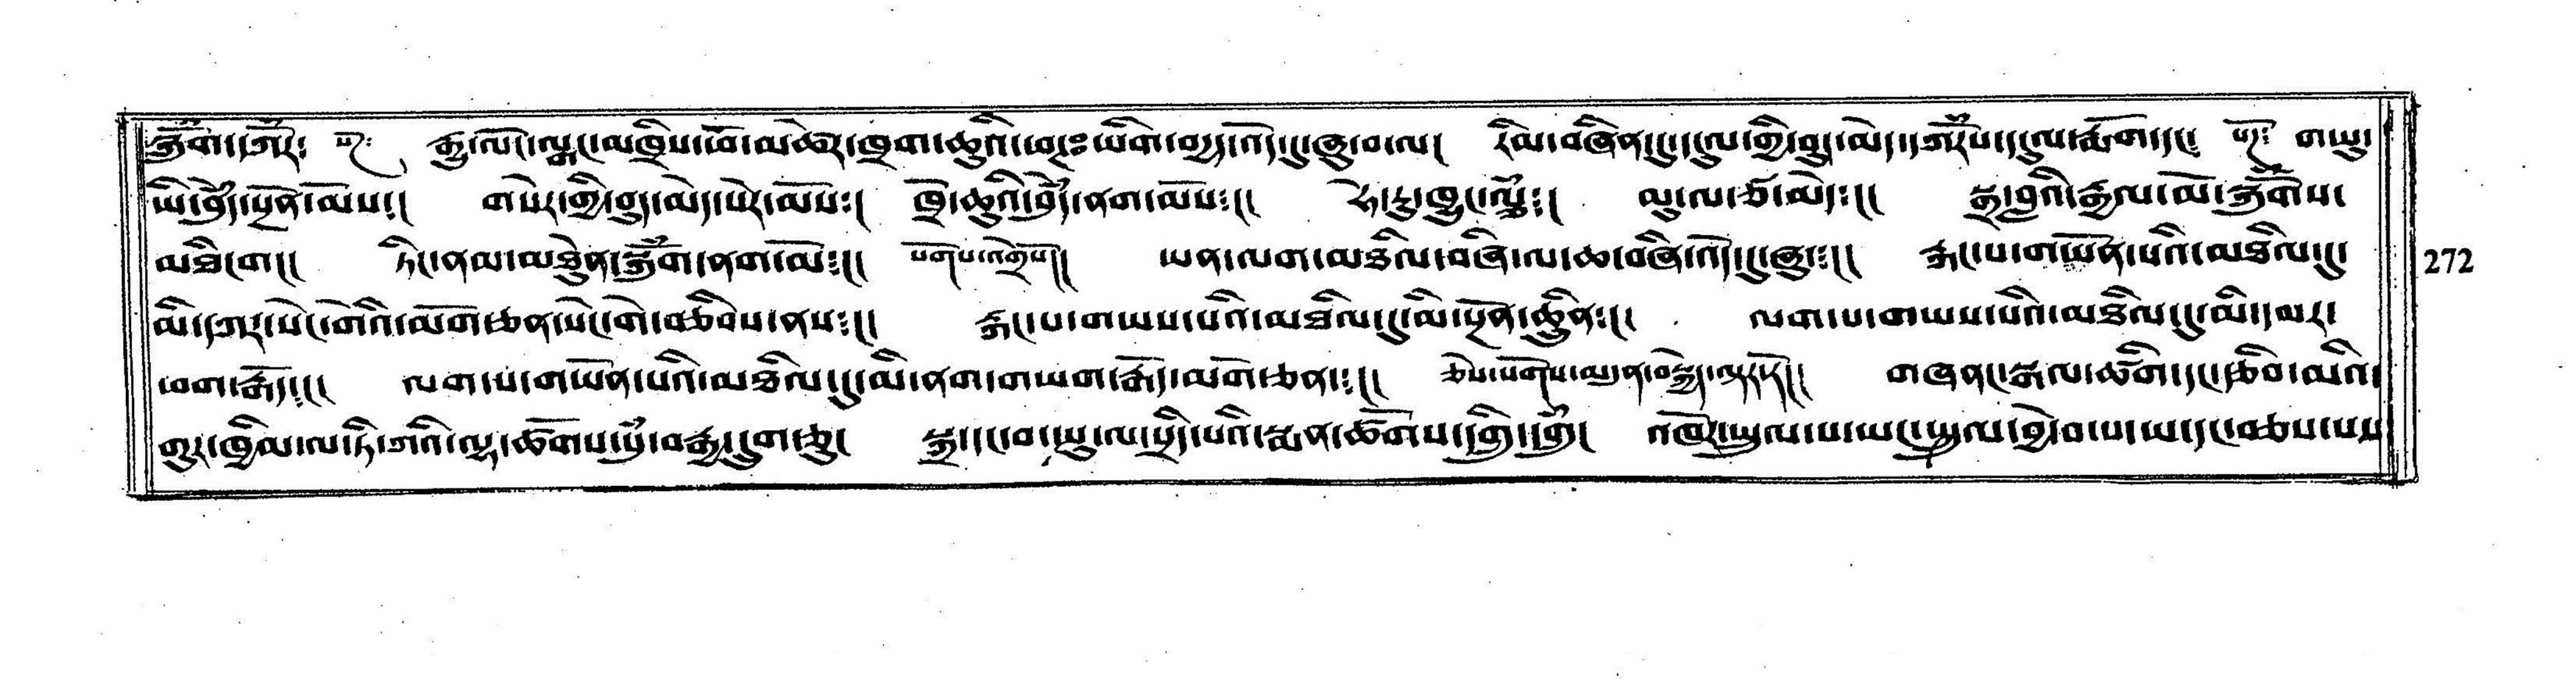སྐུ་མདོག་དཀར་མོ། སོགས་རྒྱུ་ལོང་ལྒང་མཁྲིས་ཕོ་མཚེར་ཁྲག་ཆུའི་ཕཊཿཡིག་བརྒྱད་འོད་དུ་ཞུ་བ་ལ། རིམ་བཞིན་དུ་དངུལ་གྱི་བུད་མེད་དཀར་མོས་དངུལ་རྨོག་དང་༴ སོགས༴ གཡུ་
ཡི་བུད་མེད་སྔོན་མོས། གསེར་གྱི་བུད་མེད་སེར་མོས༴། ཁྲོ་ཆུའི་བུད་མེད་ནག་མོས༴།། ཧེ་རུ་ཁྱུང་ལྕམ༴། མུ་ལ་ཙ་མེད༴།། སྒྲ་བླའི་རྒྱལ་མོ་སྐུ་མདོག་
མཐིང་ནག།། ཏིང་ནམ་མཐུ་ཆེན་སྐུ་མདོག་ནག་མོ༴།། སོགས་འགྲེས་སོ།། ཡན་ལག་མཐིལ་བཞི་ལ་ཆ་བཞི་འོད་དུ་ཞུ༴།། རྐང་པ་གཡོན་པའི་མཐིལ་དུ་
མི་དཀར་སེང་གེའི་མགོ་ཅན་སེང་གེ་བཅིབས་ནས༴།། རྐང་པ་གཡས་པའི་མཐིལ་དུ་མི་སྔོན་ཆུ་སྲིན༴།། ལག་པ་གཡས་པའི་མཐིལ་དུ་མི་དམར་
ཕག་རྒོད།། ལག་པ་གཡོན་པའི་མཐིལ་དུ་མི་ནག་གཡག་རྒོད་མགོ་ཅན༴།། ཅེས་སོགས་མདུན་བསྐྱེད་ལྟར་རོ།། གཞན་ཡང་སྒལ་ཚིག་དང་རྩིབ་མའི་
གུར་ཁྱིམ་ལ་ཏི་ཀའི་ལྷ་ཚོགས་སུམ་བརྒྱ་དྲུག་ཅུ། སྐྲ་དང་བ་སྤུ་ལ་སྲིད་པའི་སྨན་ཚོགས་དགུ་ཁྲི་དགུ་འབུམ། འཁོར་སྤྲུལ་པ་ཡང་སྤྲུལ་བྱེ་བ་ས་ཡ་དང་བཅས་པས་